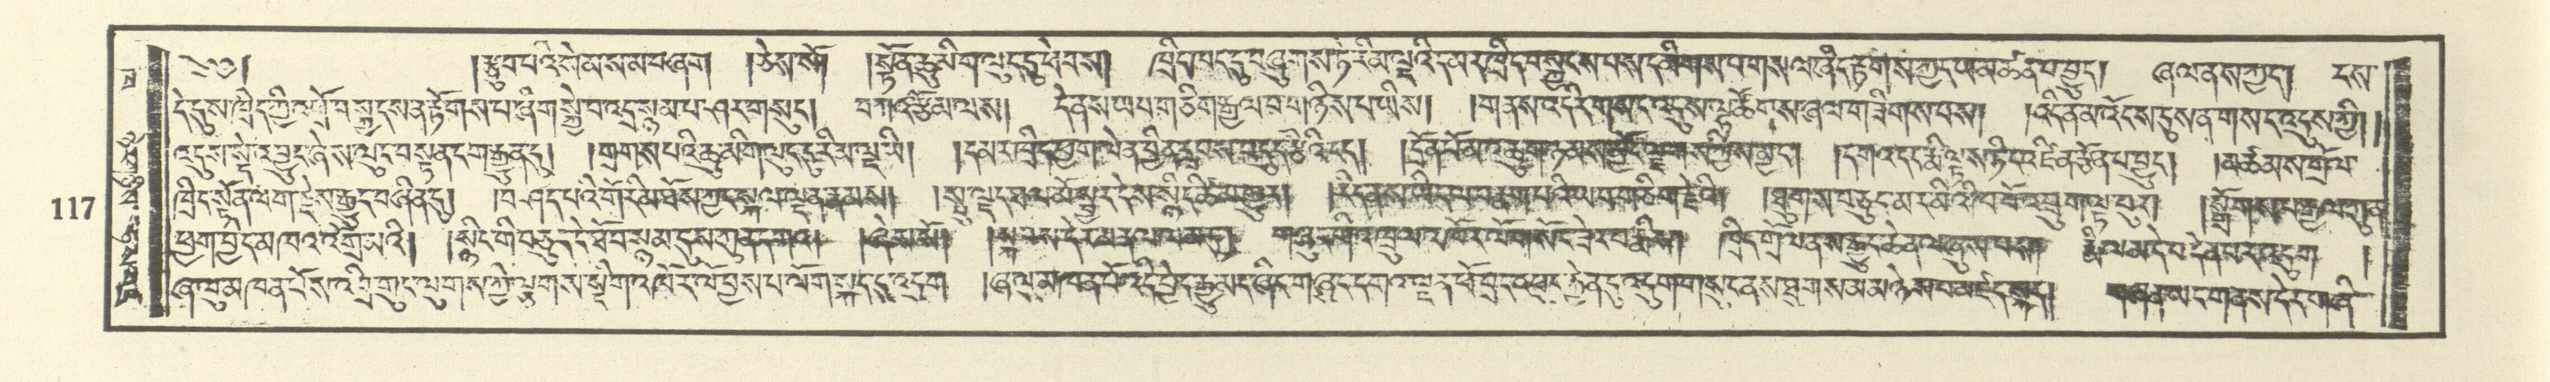༄༅། །རྩུབ་པའི་སེམས་མ་བཞག །ཅེས་སོ། །སྟོན་ཆུ་མིག་ལུང་དུ་ཕེབས། ཁྲིད་ཁང་དུ་བཞུགས་ཏེ་རིམ་ལྔའི་དམར་ཁྲིད་བསྐྱངས་པས་དམིགས་པ་གསལ་ཞིང་རྟགས་ཀྱང་ཡ་མཚན་པ་བྱུང་། ཞལ་ནས་ཀྱང་། ངས་
དེ་དུས་ཁྲིད་ཀྱི་འཕྲོ་བསྐྱངས་ན་རྟོགས་པ་ཞིག་སྐྱེ་བ་འདྲ་སྙམ་པ་ཤར་གསུང་། བཀའ་རྩོམ་ལས། དེ་ནས་ཡབ་གཅིག་རྒྱལ་བ་གཉིས་པ་ཡིས། །གནས་འདིར་གསར་འདུས་ལྷ་ཚོགས་ཞལ་གཟིགས་པས། །འདི་ན་མ་འོངས་དུས་ན་གསང་འདུས་ཀྱི། །
འདུས་སྡེ་འབྱུང་ཞེས་ལུང་བསྟན་དག་རྒྱུན་དུ། །གྲགས་པའི་ཆུ་མིག་ལུང་དུ་རིམ་ལྔ་ཡི། །དམར་ཁྲིད་ཕྱག་ལེན་བྱིན་རླབས་བདུད་རྩིའི་དད། །དྲོན་པོ་མ་འཆུག་ཉམས་མྱོང་ལྗགས་ཀྱིས་མྱང་། །དགའ་དང་རྨི་ལྟས་ཏིང་འཛིན་རྩོན་པ་བྱུང་། །མཚམས་གྲོལ་
ཁྲིད་སྟོན་ལག་རྗེས་རྒྱུད་བཞིན་དུ། །བཤད་པའི་གོ་རིམ་ཐོས་ཀྱང་སྐལ་ལྡན་རྣམས། །སྤུ་ལྡད་ཐལ་མོ་སྦྱར་དེས་སྙིད་ཚིམ་གྱུར། །རིད་ནས་ཡིད་ལ་བརྣག་པའི་ཡབ་གཅིག་རྗེའི། །ཐུགས་བཅུད་མར་མིའི་ཁ་པོ་འབྲུག་ལྟ་བུར། །སྒྲོགས་པ་རྒྱལ་ཀུན་
ཕྱག་བྱེད་མཁའ་འགྲོ་མའི། །སྙིང་གི་བཅུད་དེ་ཐོབ་སྙམ་དུས་ཀུན་དགའ། །ཞེས་སོ། །སྐབས་དེར་མནལ་ལམ་དུ། གཞུང་གི་འཁྲུལ་འཁོར་ལོག་སོང་ཟེར་བ་རྨིས། ཁྲིད་གྲོལ་ནས་རྒྱུད་ཆེན་ལ་ཞུས་པས། རྨི་ལམ་དེ་བདེན་པར་འདུག །
ཞ་ལུ་མཁན་པོས་འབྲི་གུང་ལུགས་ཀྱི་ལྕགས་སྡིག་འཁོར་ལོ་བྱས་པ་ལོག་སྐད་དུ་འདུག །ཞ་ལུ་མཁན་པོ་འདི་བྱེད་རྒྱུ་མད་ཞིང་གཞུང་དགའ་ལྡན་ཕོ་བྲང་འཕུང་རྐྱེན་དུ་འདུག་གསུང་ནས་ཐུགས་མ་མཉེས་པ་མཛད་སྐད། གཞན་ཡང་གནས་དེར་གཞི་